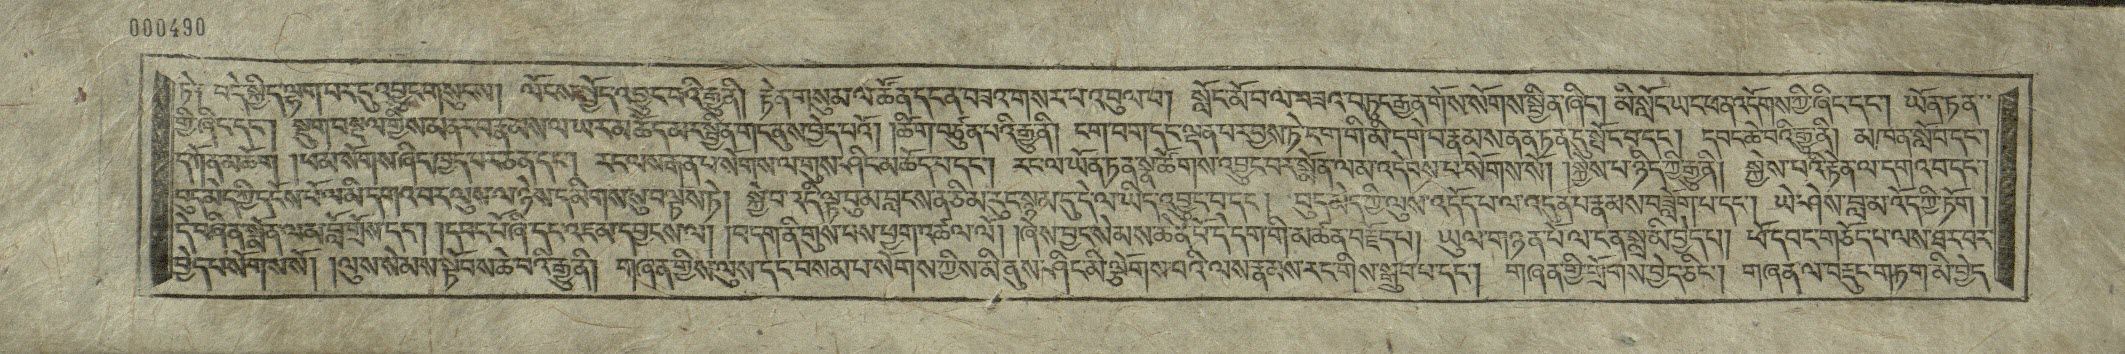ཏེ༑ བདེ་སྐྱིད་ལྷག་པར་དུ་འབྱུང་གསུངས། ལོངས་སྤྱོད་འབྱུང་བའི་རྒྱུ་ནི། རྟེན་གསུམ་ལ་ཚོན་དང་ན་བཟའ་གསར་པ་འབུལ་བ། སློང་མོ་བ་ལ་བཟའ་བཏུང་རྒྱན་གོས་སོགས་སྦྱིན་ཞིང་། མི་སློང་ཡང་ཕན་འདོགས་ཀྱི་ཞིང་དང་། ཡོན་ཏན་
གྱི་ཞིང་དང་། སྡུག་བསྔལ་གྱིས་མནར་བ་རྣམས་ལ་ཡར་མཆོད་མར་སྦྱིན་གང་ནུས་བྱེད་པའོ། །ཚིག་བཙུན་པའི་རྒྱུ་ནི། ངག་བག་དང་ལྡན་པར་བྱས་ཏེ་ངག་གི་མི་དགེ་བ་རྣམས་ནན་ཏན་དུ་སྤོང་བ་དང་། དབང་ཆེ་བའི་རྒྱུ་ནི། མཁན་སློབ་དང་།
དཀོན་མཆོག །ཕ་མ་སོགས་ཞིང་ཁྱད་པར་ཅན་དང་། རང་ལས་རྒན་པ་སོགས་ལ་གུས་ཤིང་མཆོད་པ་དང་། རང་ལ་ཡོན་ཏན་སྣ་ཚོགས་འབྱུང་བར་སྨོན་ལམ་འདེབས་པ་སོགས་སོ། །སྐྱེས་པ་ཉིད་ཀྱི་རྒྱུ་ནི། སྐྱེས་པའི་རྟེན་ལ་དགའ་བ་དང་།
བུད་མེད་ཀྱི་དངོས་པོ་ལ་མི་དགའ་བར་ལུས་ལ་ཉེས་དམིགས་སུ་བལྟས་ཏེ། སྐྱེ་བ་འདི་ལྟ་བུ་མ་བླངས་ན་ཅི་མ་རུང་སྙམ་དུ་དེ་ལ་ཡིད་འབྱུང་བ་དང་། བུད་མེད་ཀྱི་ལུས་འདོད་པ་ལ་འདུན་པ་རྣམས་བཟློག་པ་དང་། ཡེ་ཤེས་བླ་མ་འོད་ཀྱི་ཏོག་
དེ་བཞིན་སྨོན་ལམ་བློ་གྲོས་དང་། །དབང་པོ་ཞི་དང་འཇམ་དབྱངས་ལ། །བདག་ནི་གུས་པས་ཕྱག་འཚལ་ལོ། །ཞེས་བྱང་སེམས་ཆེན་པོ་དེ་དག་གི་མཚན་བརྗོད་པ། ཡུལ་གཉན་པོ་ལ་ངན་སྨྲ་མི་བྱེད་པ། ཕོ་དབང་གཅོད་པ་ལས་ཐར་བར་
བྱེད་པ་སོགས་སོ། །ལུས་སེམས་སྟོབས་ཆེ་བའི་རྒྱུ་ནི། གཞན་གྱིས་ལུས་དང་བསམ་པ་སོགས་ཀྱིས་མི་ནུས་ཤིང་མི་ལྕོགས་པའི་ལས་རྣམས་རང་གིས་སྒྲུབ་པ་དང་། གཞན་གྱི་གྲོགས་བྱེད་ཅིང་། གཞན་ལ་བརྡུང་གཏག་མི་བྱེད་